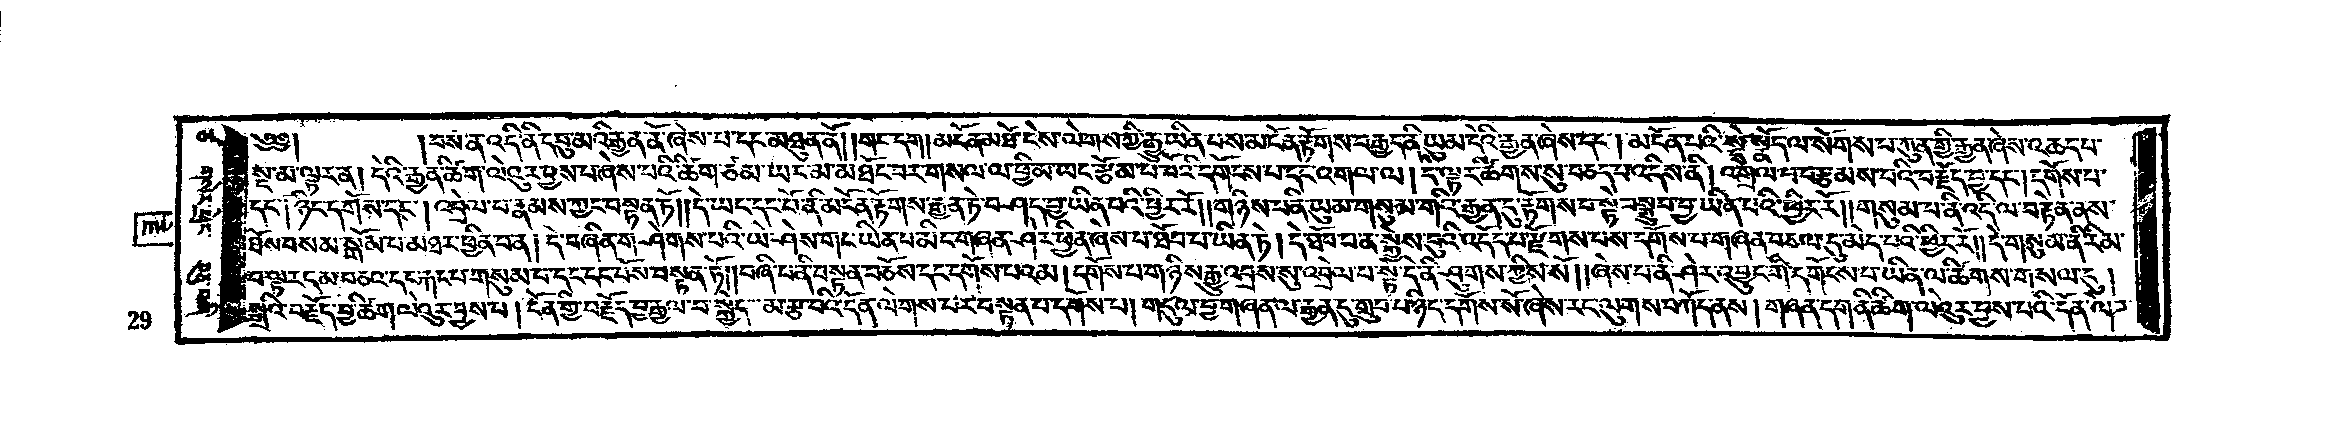༄༅། །བས་ན་འདི་ནི་དབུ་མའི་རྒྱན་ནོ་ཞེས་པ་དང་མཐུན་ནོ། །གང་དག །མངོན་མཐོ་ངེས་ལེགས་ཀྱི་རྒྱུ་ཡིན་པས་མངོན་རྟོགས་བརྒྱད་ནི་ཡུམ་དེའི་རྒྱན་ཞེས་དང་། མངོན་པའི་སྡེ་སྣོད་ལ་སོགས་པ་ཀུན་གྱི་རྒྱན་ཞེས་འཆད་པ་
སྔ་མ་ལྟར་ན། དེའི་རྒྱན་ཚིག་ལེའུར་བྱས་པ་ཞེས་པའི་ཚིག་ཙམ་ཡང་མ་མཐོང་བར་གསལ་ལ་ཕྱི་མ་ཡང་རྩོམ་པ་པོའི་དགོངས་པ་དང་འགལ་ལ། དེ་ལྟར་ཚིགས་སུ་བཅད་པ་འདིས་ནི། འགྲེལ་པ་བརྩམས་པའི་བརྗོད་བྱ་དང་། དགོས་པ་
དང་། ཉིང་དགོས་དང་། འབྲེལ་པ་རྣམས་ཀྱང་བསྟན་ཏོ། །དེ་ཡང་དང་པོ་ནི་མངོན་རྟོགས་རྒྱན་ཏེ་བཤད་བྱ་ཡིན་པའི་ཕྱིར་རོ། །གཉིས་པ་ནི་ཡུམ་གསུམ་གའི་རྒྱན་དུ་རྟོགས་པ་སྟེ་བསྒྲུབ་བྱ་ཡིན་པའི་ཕྱིར་རོ། །གསུམ་པ་ནི་འདི་ལ་བརྟེན་ནས་
ཐོས་བསམ་སྒོམ་པ་མཐར་ཕྱིན་པ་ན། དེ་བཞིན་གཤེགས་པའི་ཡེ་ཤེས་གང་ཡིན་པ་མིང་གཞན་ཤེར་ཕྱིན་ཞེས་པ་ཐོབ་པ་ཡིན་ཏེ། དེ་ཐོབ་པ་ན་སྐྱེས་བུའི་འདོད་པ་རྫོགས་པས་དགོས་པ་གཞན་བཅལ་དུ་མེད་པའི་ཕྱིར་རོ། །དེ་གསུམ་ནི་རིམ་
པ་ལྟར་དམ་བཅའ་དང་རྐང་པ་གསུམ་པ་དང་དང་པོས་བསྟན་ཏོ། །བཞི་པ་ནི་བསྟན་བཅོས་དང་དགོས་པའམ། དགོས་པ་གཉིས་རྒྱུ་འབྲས་སུ་འབྲེལ་པ་སྟེ་དེ་ནི་ཤུགས་ཀྱིས་སོ། །ཞེས་པ་ནི་ཤེར་འབྱུང་གི་དགོངས་པ་ཡིན་ལ་ཚིགས་གསལ་དུ།
སྒྲའི་བརྗོད་བྱ་ཚིག་ལེའུར་བྱས་པ། དོན་གྱི་བརྗོད་བྱ་རྒྱལ་བ་སྐྱེད་མ་རྩ་བའི་དོན་ལེགས་པར་བསྟན་པ་དགོས་པ། གདུལ་བྱ་གཞན་ལ་རྒྱན་དུ་གྲུབ་པ་ཉིང་དགོས་སོ་ཞེས་རང་ལུགས་བཀོད་ནས། གཞན་དག་ནི་ཚིག་ལེའུར་བྱས་པའི་དོན་ལེགས་